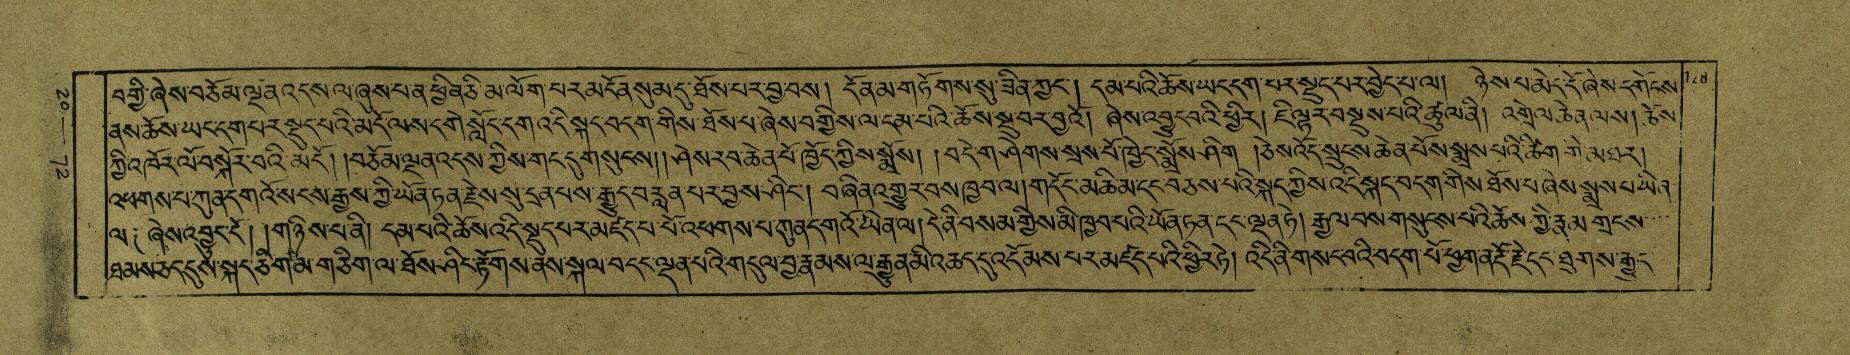བགྱི་ཞེས་བཅོམ་ལྡན་འདས་ལ་ཞུས་པ་ན་ཕྱིན་ཅི་མ་ལོག་པར་མངོན་སུམ་དུ་ཐོས་པར་བྱ་བས། དོན་མ་གཏོགས་སུ་ཟིན་ཀྱང་། དམ་པའི་ཆོས་ཡང་དག་པར་སྡུད་པར་བྱེད་པ་ལ། ཉེས་པ་མེད་དོ་ཞེས་དགོངས་
ནས་ཆོས་ཡང་དག་པར་སྡུད་པའི་མདོ་ལས་དགེ་སློང་དག་འདི་སྐད་བདག་གིས་ཐོས་པ་ཞེས་བགྱིས་ལ་དམ་པའི་ཆོས་སྡུ་བར་བྱའོ། ཞེས་འབྱུང་བའི་ཕྱིར། ཇི་ལྟར་བསྡུས་པའི་ཚུལ་ནི། འགྲེལ་ཆེན་ལས། ཆོས་
ཀྱི་འཁོར་ལོ་བསྐོར་བའི་མདོ། །བཅོམ་ལྡན་འདས་ཀྱིས་གང་དུ་གསུངས། །ཤེས་རབ་ཆེན་པོ་ཁྱོད་ཀྱིས་སྨྲོས། །བདེ་གཤེགས་སྲས་པོ་ཁྱེད་སྨྲོས་ཤིག །ཅེས་འོད་སྲུངས་ཆེན་པོས་སྨྲས་པའི་ཚིག་གི་མཐར།
འཕགས་པ་ཀུན་དགའོ་སངས་རྒྱས་ཀྱི་ཡོན་ཏན་རྗེས་སུ་དྲན་པས་རྒྱུད་བརླན་པར་བྱས་ཤིང་། བཞིན་འགྱུར་བས་ཁྱབ་ལ། གདོང་མཆི་མ་དང་བཅས་པའི་སྐད་ཀྱིས་འདི་སྐད་བདག་གིས་ཐོས་པ་ཞེས་སྨྲས་པ་ཡིན་
ལ༑ ཞེས་འབྱུང་ངོ། །གཉིས་པ་ནི། དམ་པའི་ཆོས་འདི་སྡུད་པར་མཛད་པ་པོ་འཕགས་པ་ཀུན་དགའོ་ཡིན་ལ། དེ་ནི་བསམ་གྱིས་མི་ཁྱབ་པའི་ཡོན་ཏན་དང་ལྡན་ཏེ། རྒྱལ་བས་གསུངས་པའི་ཆོས་ཀྱི་རྣམ་གྲངས་
ཐམས་ཅད་དུས་སྐད་ཅིག་མ་གཅིག་ལ་ཐོས་ཤིང་རྟོགས་ནས་སྐལ་བ་དང་ལྡན་པའི་གདུལ་བྱ་རྣམས་ལ་རྒྱུན་མི་འཆད་དུ་འདོམས་པར་མཛད་པའི་ཕྱིར་ཏེ། འདི་ནི་གསང་བའི་བདག་པོ་ཕྱག་ན་རྡོ་རྗེ་དང་ཐུགས་རྒྱུད་